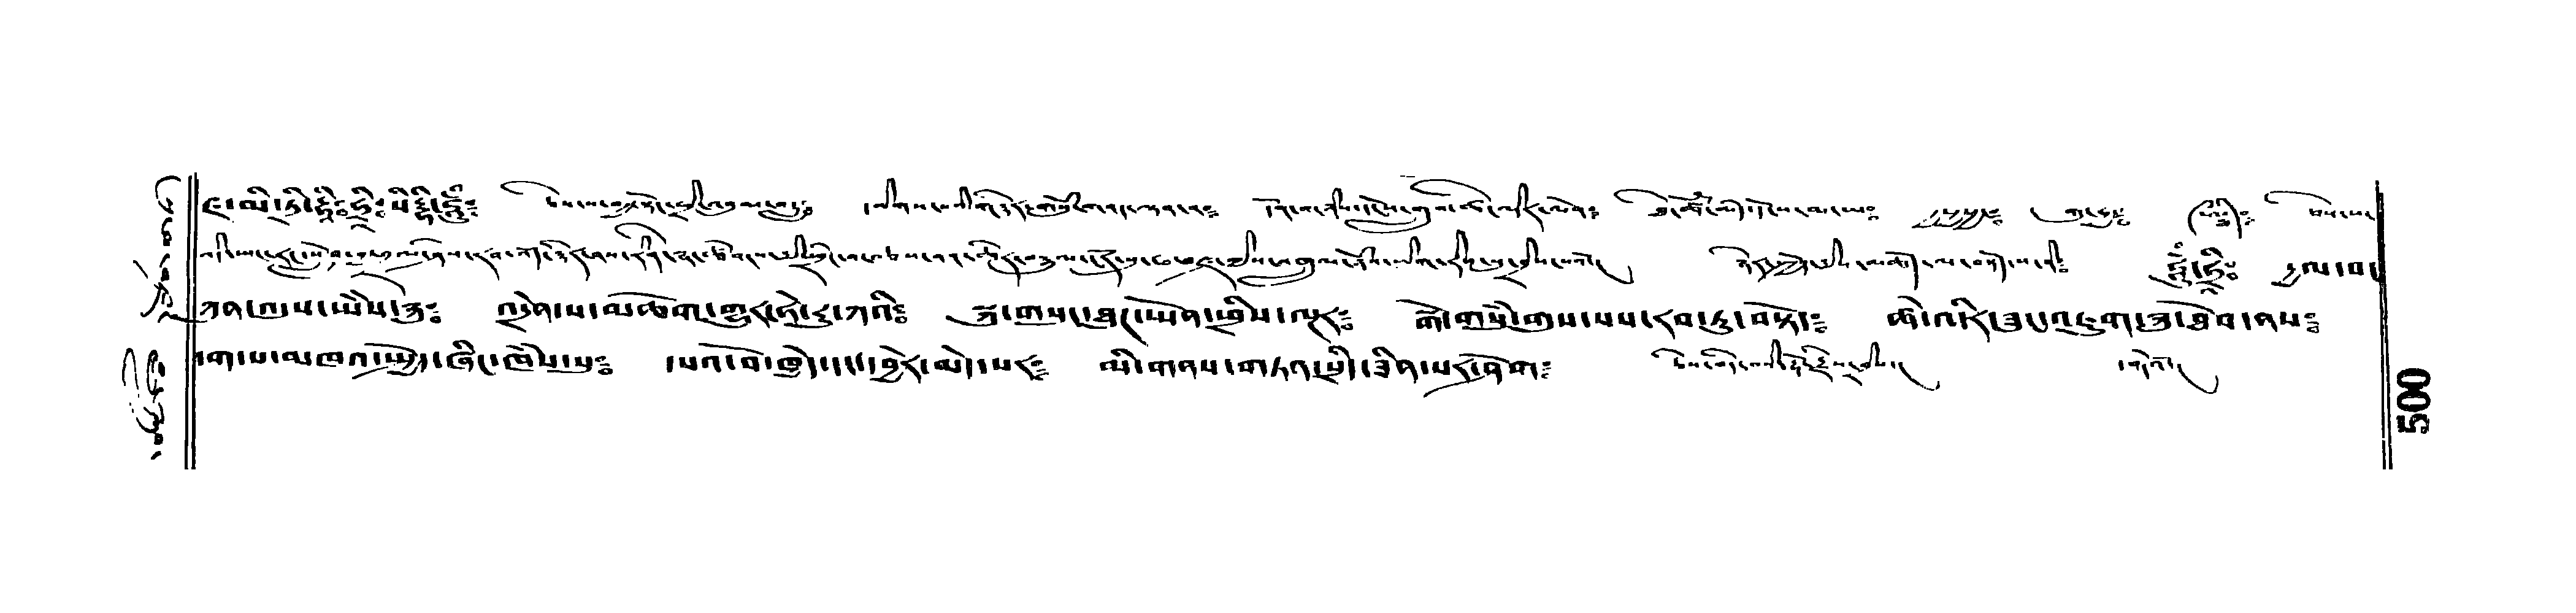ཛ་མི་ཏྲི་དྷཱིཿཧྲཱིཿསིདྡྷི་ཧཱུྃ༔ ཅེས་པ་བརྒྱ་སྟོང་ཁྲི་འབུམ་བཟླ༔ དམིགས་པའི་གཟེར་གསུམ་གནད་ལྡན་ན༔ དོན་གཉིས་དངོས་གྲུབ་ཚེ་འདིར་ལོནཿ ཐེ་ཚོམ་མེད་དོ་ས་མ་ཡ༔ རྒྱ་རྒྱ་རྒྱ༔ གུ་ཧྱཿ ༔ ཅེས་པ་
འདི་ཡང་རང་སློབ་བྱ་བྲལ་ཤེས་རབ་འོད་ཟེར་ནས་རིན་ཆེན་སྣ་ཚོགས་ཀྱི་ཕྲེང་བ་བཅས་ནན་ཆེར་བསྐུལ་ངོར་སུ་ཁ་བཛྲ་གྱིས་འཁྲུལ་ཉམས་ཡིག་རིས་སུ་བྲིས་པའོ།། ཉེར་སྤྱོད་ཀྱིས་མཆོད་ལ་བསྟོད་པ་ནི༔ ཧཱུྃ་ཧྲཱི༔ རྒྱལ་བ་
ཀུན་འདུས་ཡེ་ཤེས་སྐུ༔ འདྲེན་པ་མཆོག་གྱུར་ཧེ་རུ་ཀའི༔ སྐུ་གསུང་ཐུགས་ཡོན་ཕྲིན་ལས་ལྔར༔ སྒོ་གསུམ་གུས་པས་རབ་ཏུ་བསྟོད༔ ཚེ་འདིར་ཟུང་འཇུག་སྐུ་ཐོབ་ནས༔ 
དག་པ་མཁའ་སྤྱོད་ཞིང་ཁམས་སུ༔ དཔའ་བོ་ཁྱེད་དང་དབྱེར་མེད་པར༔ མི་གནས་གཏན་སྲིད་ཟིན་པར་ཤོག༔ ཅེས་བདེ་བའི་རྡོ་རྗེས་བྲིས། དགེའོ།།